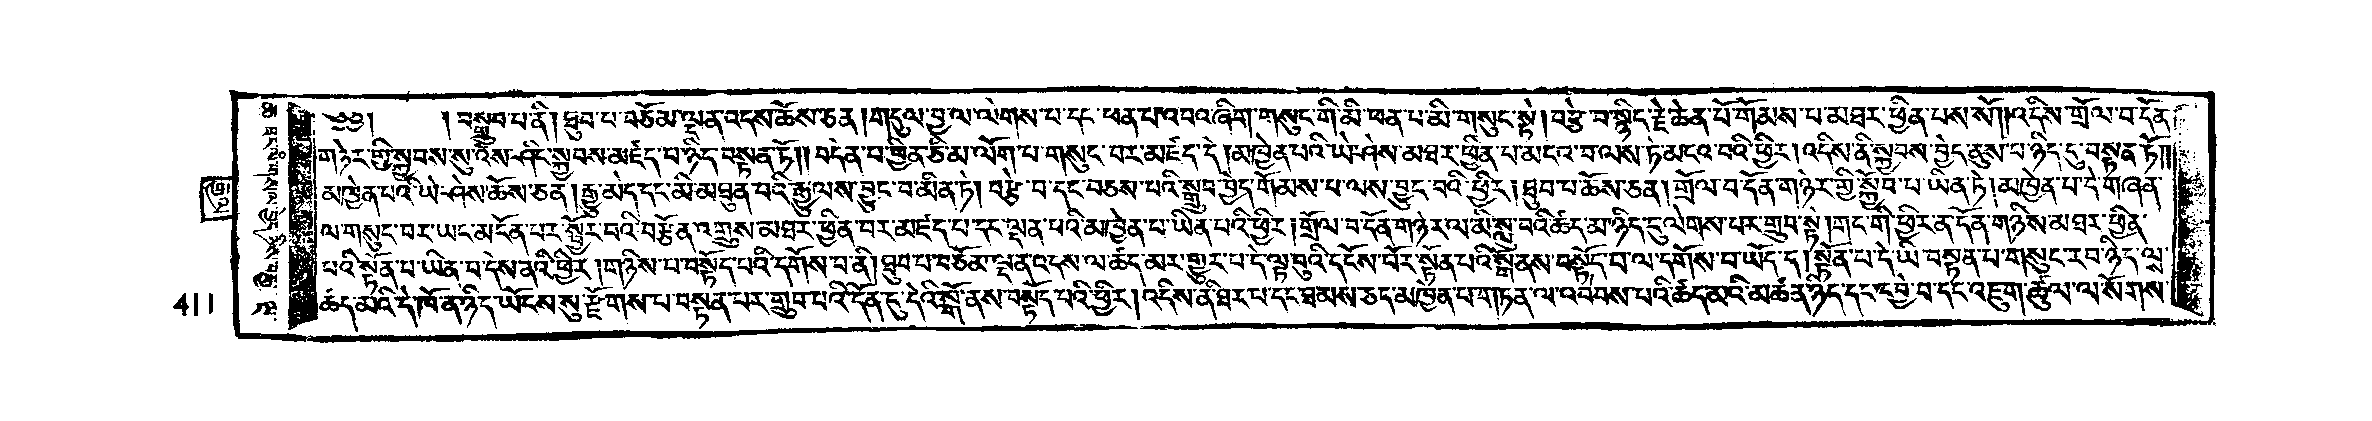༄༅། །བསྒྲུབ་པ་ནི། ཐུབ་པ་བཅོམ་ལྡན་འདས་ཆོས་ཅན། གདུལ་བྱ་ལ་ལེགས་པ་དང་ཕན་པ་འབའ་ཞིག་གསུང་གི་མི་ཕན་པ་མི་གསུང་སྟེ། བརྩེ་བ་སྙིང་རྗེ་ཆེན་པོ་གོམས་པ་མཐར་ཕྱིན་པས་སོ། །འདིས་གྲོལ་བ་དོན་
གཉེར་གྱི་སྐྱབས་སུ་འོས་ཤིང་སྐྱབས་མཛད་པ་ཉིད་བསྟན་ཏོ། །བདེན་པ་ཕྱིན་ཅི་མ་ལོག་པ་གསུང་བར་མཛད་དེ། མཁྱེན་པའི་ཡེ་ཤེས་མཐར་ཕྱིན་པ་མངའ་བ་ལས་ཏེ་མངའ་བའི་ཕྱིར། འདིས་ནི་སྐྱབས་བྱེད་ནུས་པ་ཉིད་དུ་བསྟན་ཏོ།།
མཁྱེན་པའི་ཡེ་ཤེས་ཆོས་ཅན། རྒྱུ་མེད་དང་མི་མཐུན་པའི་རྒྱུ་ལས་བྱུང་བ་མིན་ཏེ། བརྩེ་བ་དང་བཅས་པའི་སྒྲུབ་བྱེད་གོམས་པ་ལས་བྱུང་བའི་ཕྱིར། ཐུབ་པ་ཆོས་ཅན། གྲོལ་བ་དོན་གཉེར་གྱི་སྐྱོབ་པ་ཡིན་ཏེ། མཁྱེན་པ་དེ་གཞན་
ལ་གསུང་བར་ཡང་མངོན་པར་སྦྱོར་བའི་བརྩོན་འགྲུས་མཐར་ཕྱིན་པར་མཛད་པ་དང་ལྡན་པའི་མཁྱེན་པ་ཡིན་པའི་ཕྱིར། གྲོལ་བ་དོན་གཉེར་ལ་མི་སླུ་བའི་ཚད་མ་ཉིད་དུ་ལེགས་པར་གྲུབ་སྟེ། གང་གི་ཕྱིར་ན་དོན་གཉིས་མཐར་ཕྱིན་
པའི་སྟོན་པ་ཡིན་པ་དེས་ནའི་ཕྱིར། གཉིས་པ་བསྟོད་པའི་དགོས་པ་ནི། ཐུབ་པ་བཅོམ་ལྡན་འདས་ལ་ཚད་མར་གྱུར་པ་དེ་ལྟ་བུའི་དངོས་པོར་སྟོན་པའི་སྒོ་ནས་བསྟོད་པ་ལ་དགོས་པ་ཡོད་དེ། སྟོན་པ་དེ་ཡི་བསྟན་པ་གསུང་རབ་ཉིད་ལས་
ཚད་མའི་དེ་ཁོ་ན་ཉིད་ཡོངས་སུ་རྫོགས་པ་བསྟན་པར་གྲུབ་པའི་དོན་དུ་དེའི་སྒོ་ནས་བསྟོད་པའི་ཕྱིར། འདིས་ནི་ཐར་པ་དང་ཐམས་ཅད་མཁྱེན་པ་གཏན་ལ་འབེབས་པའི་ཚད་མའི་མཚན་ཉིད་དང་དབྱེ་བ་དང་འཇུག་ཚུལ་ལ་སོགས་